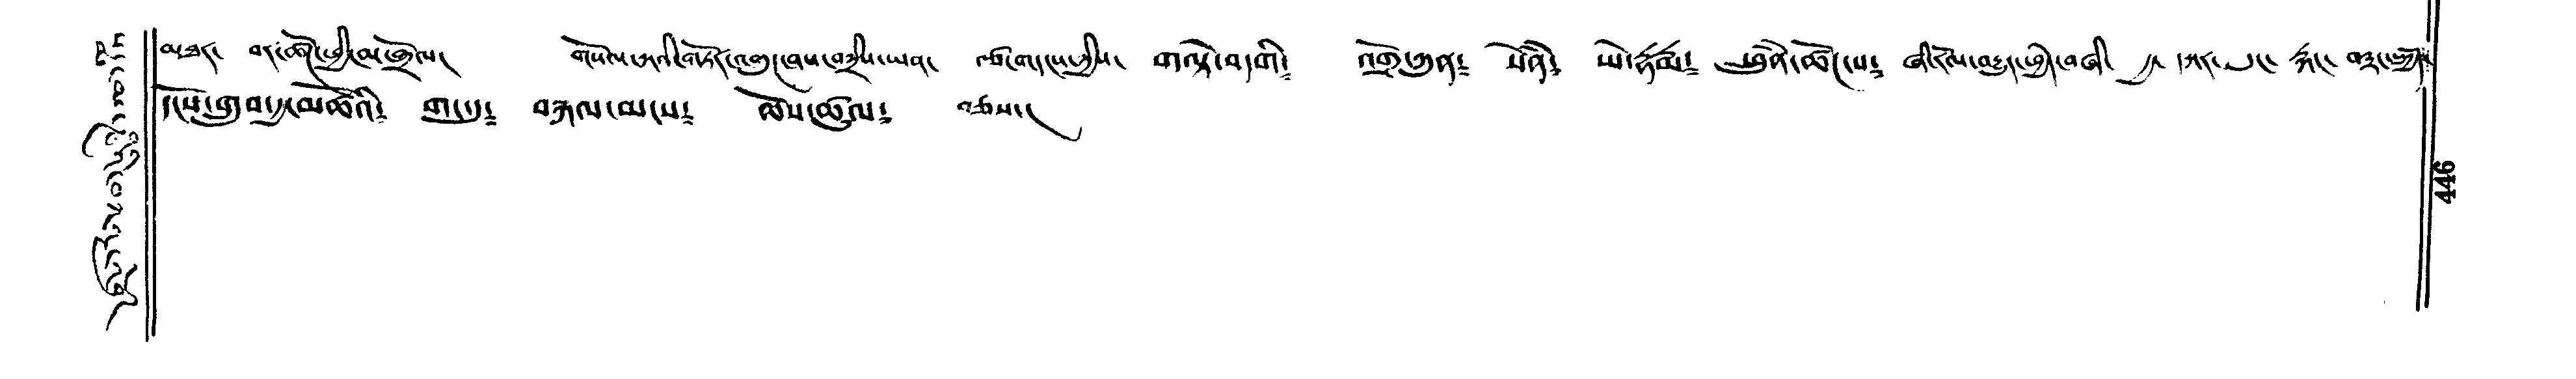མཐར། བར་ཚོགས་ཕྱི་མ་གྲོལ། གསོལ་ཀའི་གཏོར་འགུགས་ནས་བཀྲ་ཤིས་ཡན། རྩ་གདངས་ཀྱིས། གལ་ཏེ་བདག་གི༴ འགྲོ་ཀུན༴ སེམས་ཅན༴ ཡེ་དྷརྨ༴ ཕུན་སུམ་ཚོགས་པ༴ ཞི་རོལ་བརྒྱུད་ཕྱེད་བཞི། རྒྱ། དཀར། དུང་། རྐང་། བཟང་སྤྱོད། 
དངོས་གྲུབ་རྒྱ་མཚོའི༴ གང་དུ༴ བསྐལ་མང༴ ཆོས་ཚུལ༴ བཅས།། དགེའོ།།